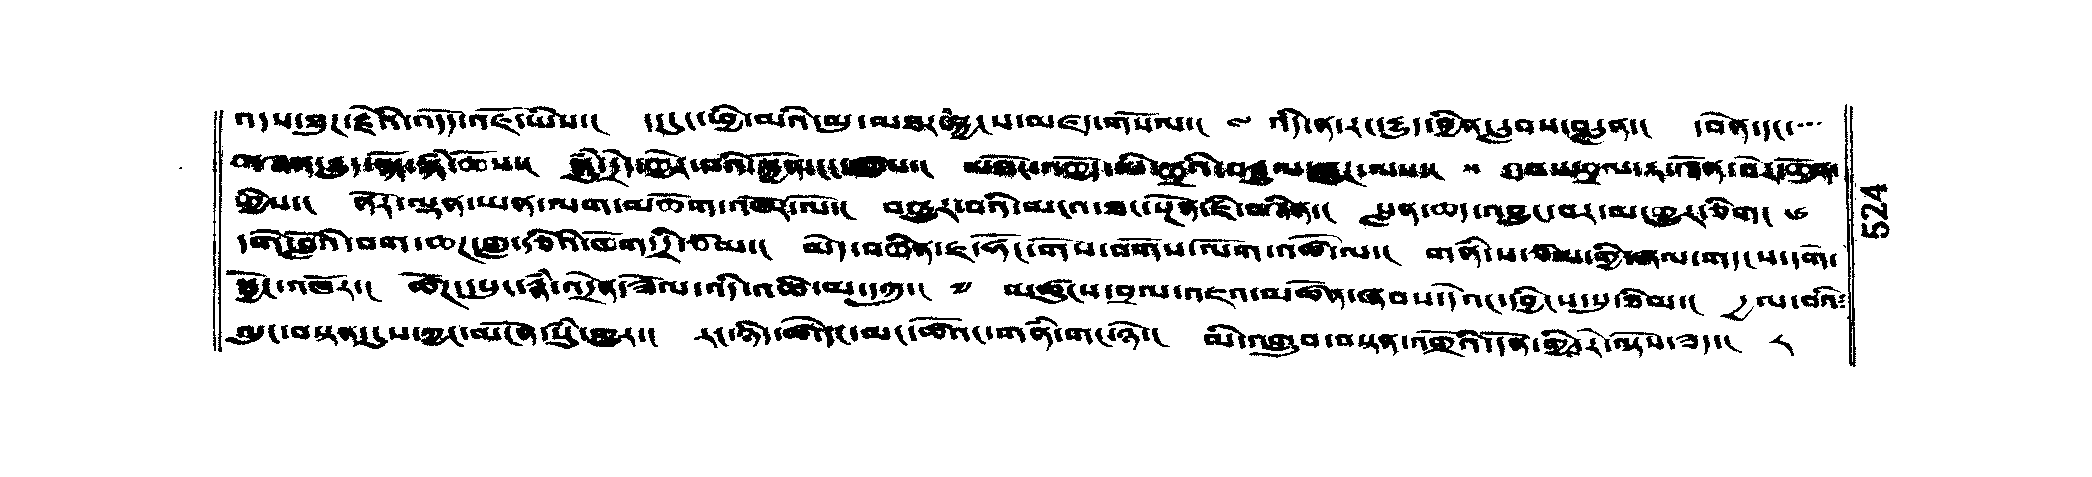འདས་ཐུགས་རྗེའི་འདོད་འཇོ་ཡིས། །ད་དུང་ཕྱི་མའི་མུ་མཐར་བསྐྱང་མཛད་གསོལ། ༤ །འདི་ན་རང་རྒྱུད་བྱིན་རླབས་བརླན། །དབེན་དང་
གཞན་རྒྱུད་ཀོ་སྐམ་ཆོས། །སྣུམ་དྲེད་ཁྱེར་བའི་སྐྱོན་ངང་ཚུལ། །མཐོང་ཁྱོད་མི་སྨྲའི་བརྟུལ་ཞུགས་ལས།༥ །ཐབས་བྲལ་རྟ་ཞོན་བེར་གྱོན་
གྱིས། །ནོར་ལྡན་ཡན་ལག་མཆོག་འཁོར་ལོ། །བསྒྱུར་བའི་མངའ་ཐང་སྔོན་ཇི་བཞིན། །སླན་ཆད་འབྱུང་བར་མ་གྱུར་ཅིག ༦ །
དགེ་བློའི་བག་ཆགས་གླ་རྩིའི་ཁོག་དྲི་ཙམ། །མེད་བཞིན་ཇ་ཧོང་གོས་བགོས་ལོག་འཚོ་ལ། །གནམ་ས་ཙམ་གྱི་ཞལ་གདངས་དགེ་
སྦྱོང་འཁོར། །ཚོགས་དཔུང་རྣམ་འདྲེན་ཟོལ་འདིས་འཆི་མ་དཀུ། ༧ །མཚུངས་བྲལ་འཇའ་མཚོན་ཞབས་དེའང་དབྱིངས་སུ་ཐིམ། །རྒྱལ་བའི་
ལུང་བསྟན་དུས་ཀྱང་མངོན་སུམ་གྱུར། །རང་ཉིད་ཚེ་དང་ལང་ཚོའང་གནམ་གང་ཉེ། །མི་འགྲུབ་བསྟན་འགྲོའི་དོན་གྱི་རེ་ལྟོས་ཟད། ༨